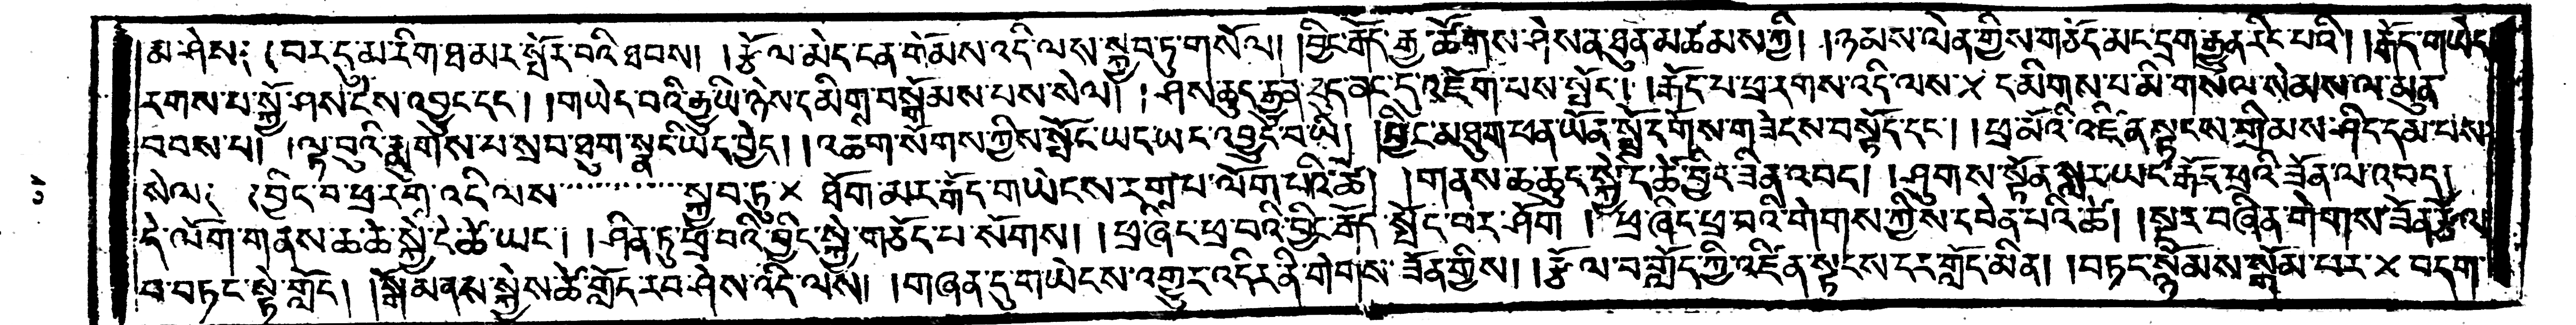རྨ་ཤེས༑ །བར་དུ་མ་རིག་ཐ་མར་སྤོར་བའི་ཐབས། །རྩོལ་མེད་ངན་གོམས་འདི་ལས་སྐྱབ་ཏུ་གསོལ། །བྱིང་རྒོད་རྒྱ་ཚོགས་ཤེས་ན་ཐུན་མཚམས་ཀྱི། །ཉམས་ལེན་གྱིས་གཅོད་མང་དྲག་རྒྱུན་རིང་པའི། །རྒོད་གཡེང་
རགས་པ་སྐྱོ་ཤས་ངེས་འབྱུང་དང་། །གཡེང་བའི་རྒྱུ་ཡི་ཉེས་དམིགས་བསྒོམས་པས་སེལ། །ཤས་ཆུང་རྒྱུན་ཁུད་ནང་དུ་འཇོག་པས་སྤོང་། །རྒོད་པ་ཕྲ་རགས་འདི་ལས་྾་དམིགས་པ་མི་གསལ་སེམས་ལ་མུན་
བབས་པ། །ལྟ་བུའི་རྨུགས་པ་སྲབ་ཐུག་སྣང་ཡིད་བྱེད། །འཆག་སོགས་ཀྱིས་སྤོང་ཡང་ཡང་འབྱུང་བ་ཡི། །བྱིང་མཐུག་ཕན་ཡོན་སྤྲོ་དགོས་གཟེངས་བསྟོད་དང་། །ཕྲ་མོའི་འཛིན་སྟངས་གྲིམས་ཤིང་དམ་པས་
སེལ༑ ༑བྱིད་བ་ཕྲ་རགས་འདི་ལས་སྐྱབ་ཏུ་྾་ཐོག་མར་རྒོད་གཡེངས་རགས་པ་ལོག་པའི་ཚེ། །གནས་ཆ་ཆུང་སྐྱེ་དེ་ཚེ་བྱིད་ཟིན་འབད། །ཤུགས་སྟོན་སླར་ཡང་རྒོད་ཕྲའི་ཟོན་ལ་འབད།
དེ་ལོག་གནས་ཆ་ཆེ་སྐྱེ་དེ་ཚེ་ཡང་། །ཤིན་ཏུ་ཕྲ་བའི་བྱིང་སྐྱེ་གཅོད་པ་སོགས། །ཕྲ་ཞིང་ཕྲ་བའི་བྱིང་རྒོད་སྤོང་བར་ཤོག །ཕྲ་ཞིང་ཕྲ་བའི་གེགས་ཀྱིས་དབེན་པའི་ཚེ། །སྔར་བཞིན་གེགས་ཟོན་རྩོལ་
བ་བཏང་སྟེ་གློང་། །སྒོམ་ནས་སྐྱེས་ཚེ་གློང་རབ་ཤེས་འདི་ལས། །གཞན་དུ་གཡེངས་འགྱུར་འདིར་ནི་གེགས་ཟོན་གྱིས། །རྩོལ་བ་གློང་ཀྱི་འཛིན་སྟངས་དར་གློང་མིན། །བཏང་སྙོམས་སྒོམ་པར་྾་བདག་